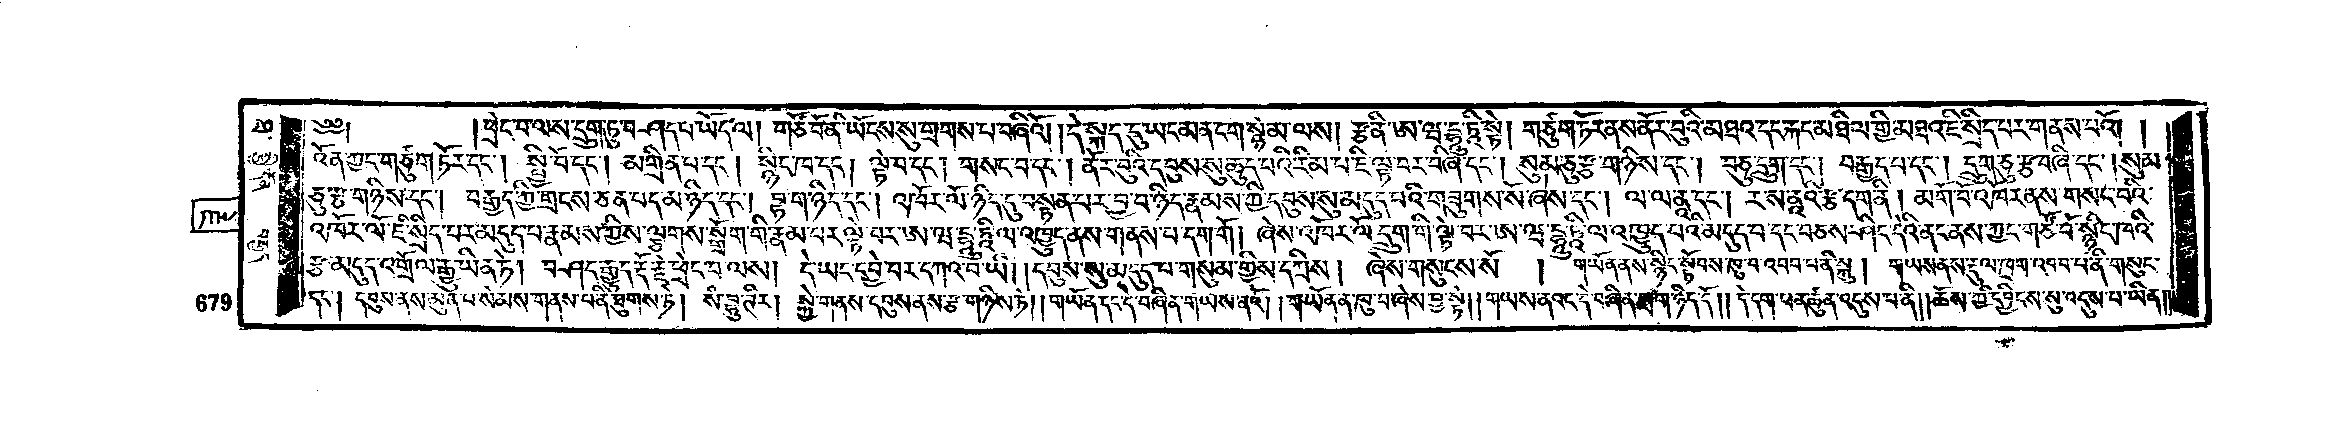༄༅། །ཕྲེང་བ་ལས་དྲུག་ཏུ་བཤད་པ་ཡོད་ལ། གཙོ་བོ་ནི་ཡོངས་སུ་གྲགས་པ་བཞིའོ། །དེ་སྐད་དུ་ཡང་མན་ངག་སྙེ་མ་ལས། རྩ་ནི་ཨ་ཝ་དྷཱུ་ཏཱི་སྟེ། གཙུག་ཏོར་ནས་ནོར་བུའི་མཐའ་དང་རྐང་མཐིལ་གྱི་མཐའ་ཇི་སྲིད་པར་གནས་པའོ། །
འོན་ཀྱང་གཙུག་ཏོར་དང་། སྤྱི་བོ་དང་། མགྲིན་པ་དང་། སྙིང་ཁ་དང་། ལྟེ་བ་དང་། གསང་བ་དང་། ནོར་བུའི་དབུས་སུ་ཆུད་པའི་རིམ་པ་ཇི་ལྟ་བར་བཞི་དང་། སུམ་ཅུ་རྩ་གཉིས་དང་། བཅུ་དྲུག་དང་། བརྒྱད་པ་དང་། དྲུག་ཅུ་རྩ་བཞི་དང་། སུམ་
ཅུ་རྩ་གཉིས་དང་། བརྒྱད་ཀྱི་གྲངས་ཅན་པད་མ་ཉིད་དང་། བྷ་ག་ཉིད་དང་། འཁོར་ལོ་ཉིད་དུ་བསྟན་པར་བྱ་བ་ཉིད་རྣམས་ཀྱི་དབུས་སུ་མདུད་པའི་གཟུགས་སོ་ཞེས་དང་། ལ་ལ་ནཱ་དང་། ར་ས་ནཱའི་རྩ་དག་ནི། མགོ་བོ་འཁོར་ནས་གསང་བའི་
འཁོར་ལོ་ཇི་སྲིད་པར་མདུད་པ་རྣམས་ཀྱིས་ལྕགས་སྒྲོག་གི་རྣམ་པར་ལྟེ་བར་ཨ་ཝ་དྷཱུ་ཏཱི་ལ་འཁྱུད་ནས་གནས་པ་དག་གོ །ཞེས་འཁོར་ལོ་དྲུག་གི་ལྟེ་བར་ཨ་ཝ་དྷཱུ་ཏཱི་ལ་འཁྱུད་པའི་མདུད་པ་དང་བཅས་ཤིང་དེའི་ནང་ནས་ཀྱང་གཙོ་བོ་སྙིང་ཁའི་
རྩ་མདུད་འགྲོལ་རྒྱུ་ཡིན་ཏེ། བཤད་རྒྱུད་རྡོ་རྗེ་ཕྲེང་བ་ལས། དེ་ཡང་དབྱེ་བར་དཀའ་བ་ཡི། །དབུས་སུ་མདུད་པ་གསུམ་གྱིས་དཀྲིས། ཞེས་གསུངས་སོ། གཡོན་ནས་སྙིང་སྟོབས་ཁུ་བ་འབབ་པ་ནི་སྐུ། གཡས་ནས་རྡུལ་ཁྲག་འབབ་པ་ནི་གསུང་
དང་། དབུས་ནས་མུན་པ་སེམས་གནས་པ་ནི་ཐུགས་ཏེ། སཾ་བྷུ་ཊིར། སྐྱེ་གནས་དབུས་ནས་རྩ་གཉིས་ཏེ། །གཡོན་དང་དེ་བཞིན་གཡས་ནའོ། །གཡོན་ན་ཁུ་བ་ཞེས་བྱ་སྟེ། །གཡས་ནའང་དེ་བཞིན་ཁྲག་ཉིད་དོ། །དེ་དག་ཕན་ཚུན་འདུས་པ་ནི། །ཆོས་ཀྱི་དབྱིངས་སུ་འདུས་པ་ཡིན། །